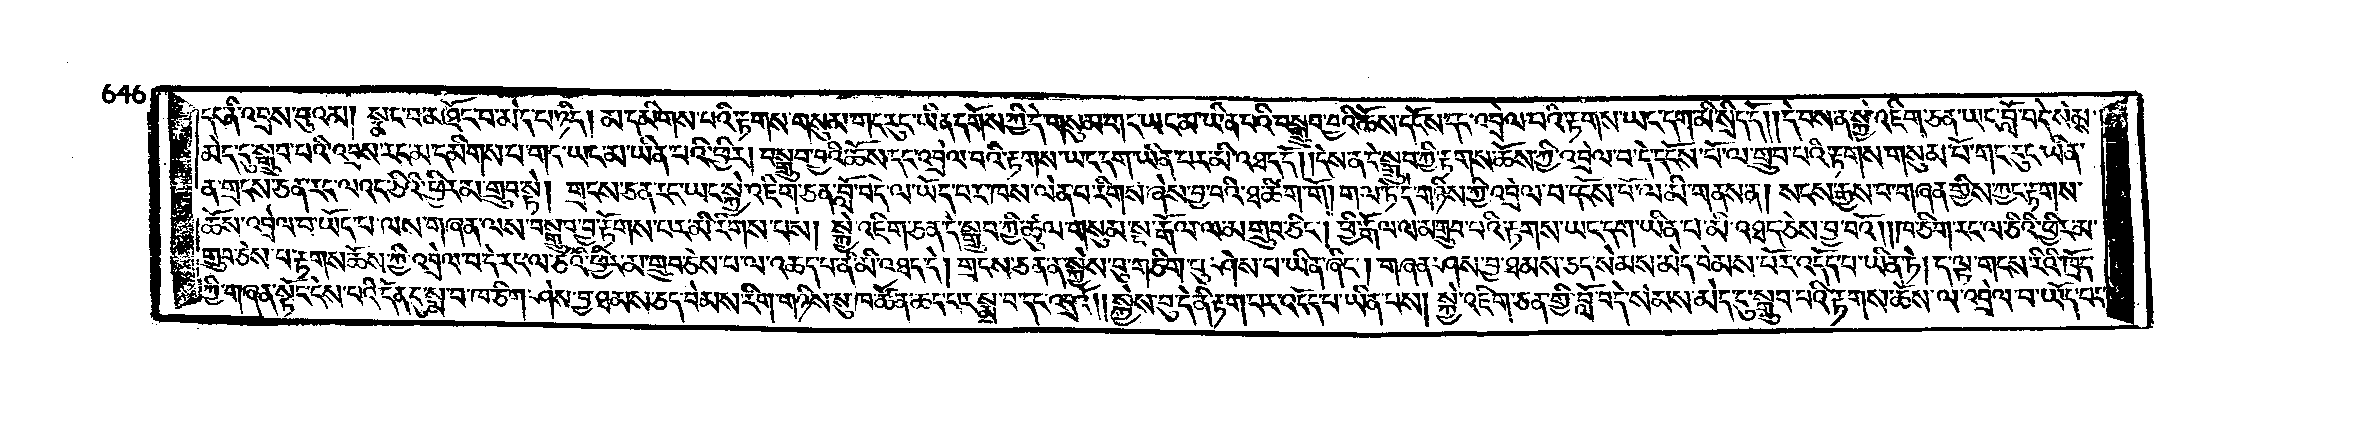དང་ནི་འབྲས་བུའམ། སྣང་བ་མཐོང་བ་མེད་པ་ཉིད། མ་དམིགས་པའི་རྟགས་གསུམ་གང་རུང་ཡིན་དགོས་ཀྱི་དེ་གསུམ་གང་ཡང་མ་ཡིན་པའི་བསྒྲུབ་བྱའི་ཆོས་དངོས་དང་འབྲེལ་བའི་རྟགས་ཡང་དག་མི་སྲིད་དོ། །དེ་བས་ན་སྐྱེ་འཇིག་ཅན་ཡང་བློ་བདེ་སེམས་
མེད་དུ་སྒྲུབ་པའི་འབྲས་རང་མ་དམིགས་པ་གང་ཡང་མ་ཡིན་པའི་ཕྱིར། བསྒྲུབ་བྱའི་ཆོས་དང་འབྲེལ་བའི་རྟགས་ཡང་དག་ཡིན་པར་མི་འཐད་དོ། །དེས་ན་དེ་སྒྲུབ་ཀྱི་རྟགས་ཆོས་ཀྱི་འབྲེལ་བ་དེ་དངོས་པོ་ལ་གྲུབ་པའི་རྟགས་གསུམ་པོ་གང་རུང་ཡིན་
ན་གྲངས་ཅན་རང་ལའང་ཅིའི་ཕྱིར་མ་གྲུབ་སྟེ། གྲངས་ཅན་རང་ཡང་སྐྱེ་འཇིག་ཅན་བློ་བདེ་ལ་ཡོད་པར་ཁས་ལེན་པ་རིགས་ཞེས་བྱ་བའི་ཐ་ཚིག་གོ །གལ་ཏེ་དེ་གཉིས་ཀྱི་འབྲེལ་བ་དངོས་པོ་ལ་མི་གནས་ན། སངས་རྒྱས་པ་གཞན་གྱིས་ཀྱང་རྟགས་
ཆོས་འབྲེལ་བ་ཡོད་པ་ལས་གཞན་ལས་བསྒྲུབ་བྱ་རྟོགས་པར་མི་རིགས་པས། སྐྱེ་འཇིག་ཅན་དེ་སྒྲུབ་ཀྱི་ཚུལ་གསུམ་སྔ་རྒོལ་ལ་མ་གྲུབ་ཅིང་། ཕྱི་རྒོལ་ལ་མ་གྲུབ་པའི་རྟགས་ཡང་དག་ཡིན་པ་མི་འཐད་ཅེས་བྱ་བའོ། །ཁ་ཅིག་རང་ལ་ཅིའི་ཕྱིར་མ་
གྲུབ་ཅེས་པ་རྟགས་ཆོས་ཀྱི་འབྲེལ་བ་དེ་རང་ལ་ཅིའི་ཕྱིར་མ་གྲུབ་ཅེས་པ་ལ་འཆད་པ་ནི་མི་འཐད་དེ། གྲངས་ཅན་ན་སྐྱེས་བུ་གཅིག་བུ་ཤེས་པ་ཡིན་ཞིང་། གཞན་ཤེས་བྱ་ཐམས་ཅད་སེམས་མེད་བེམས་པོར་འདོད་པ་ཡིན་ཏེ། ད་ལྟ་གངས་རིའི་ཁྲོད་
ཀྱི་གཞན་སྟོང་ངེས་པའི་དོན་དུ་སྨྲ་བ་ཁ་ཅིག་ཤེས་བྱ་ཐམས་ཅད་བེམས་རིག་གཉིས་སུ་ཁ་ཚོན་ཆད་པར་སྨྲ་བ་དང་འདྲའོ། །སྐྱེས་བུ་དེ་ནི་རྟག་པར་འདོད་པ་ཡིན་པས། སྐྱེ་འཇིག་ཅན་གྱི་བློ་བདེ་སེམས་མེད་དུ་སྒྲུབ་པའི་རྟགས་ཆོས་ལ་འབྲེལ་བ་ཡོད་པར་